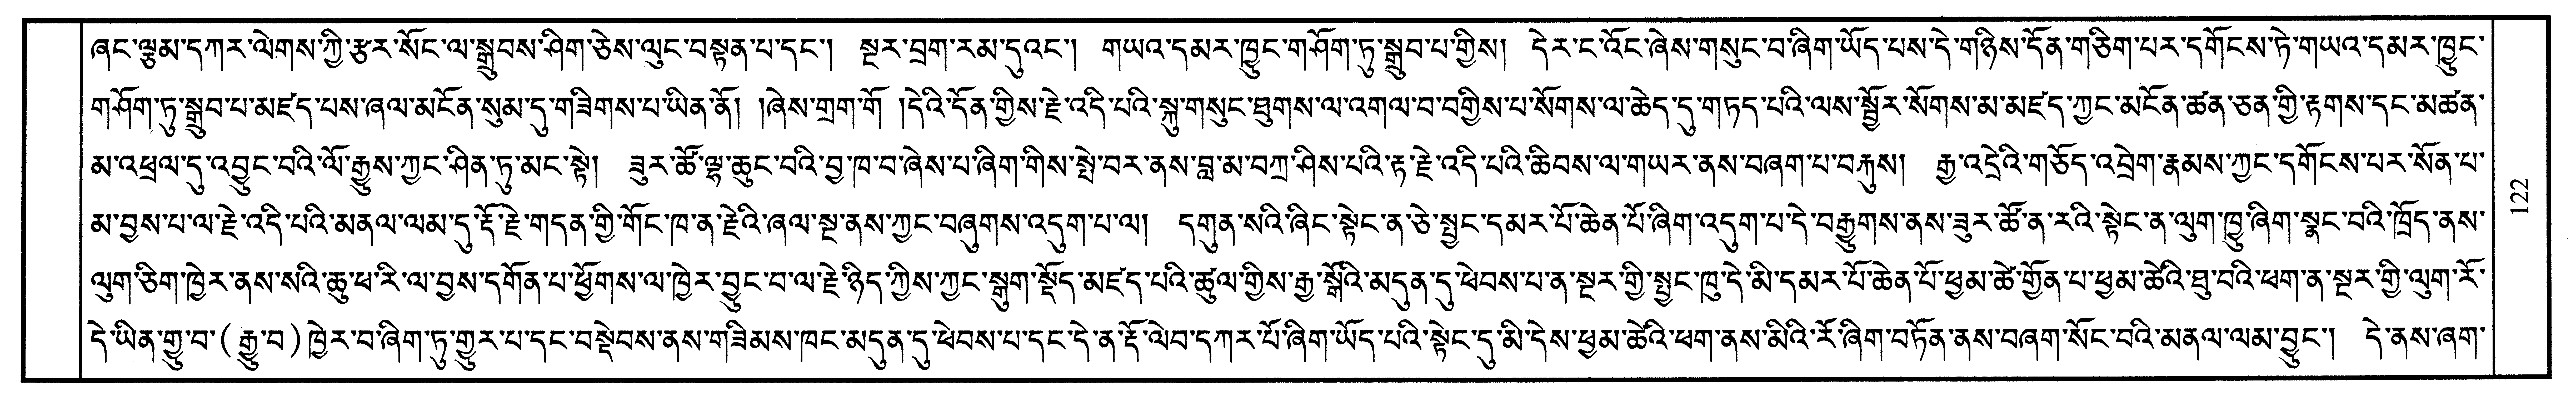ཞང་ལྕམ་དཀར་ལེགས་ཀྱི་རྩར་སོང་ལ་སྒྲུབས་ཤིག་ཅེས་ལུང་བསྟན་པ་དང་། སྔར་བྲག་རམ་དུའང་། གཡའ་དམར་ཁྱུང་གཤོག་ཏུ་སྒྲུབ་པ་གྱིས། དེར་ང་འོང་ཞེས་གསུང་བ་ཞིག་ཡོད་པས་དེ་གཉིས་དོན་གཅིག་པར་དགོངས་ཏེ་གཡའ་དམར་ཁྱུང་
གཤོག་ཏུ་སྒྲུབ་པ་མཛད་པས་ཞལ་མངོན་སུམ་དུ་གཟིགས་པ་ཡིན་ནོ། །ཞེས་གྲག་གོ །དེའི་དོན་གྱིས་རྗེ་འདི་པའི་སྐུ་གསུང་ཐུགས་ལ་འགལ་བ་བགྱིས་པ་སོགས་ལ་ཆེད་དུ་གཏད་པའི་ལས་སྦྱོར་སོགས་མ་མཛད་ཀྱང་མངོན་ཚན་ཅན་གྱི་རྟགས་དང་མཚན་
མ་འཕྲལ་དུ་འབྱུང་བའི་ལོ་རྒྱུས་ཀྱང་ཤིན་ཏུ་མང་སྟེ། ཟུར་ཚོ་ལྷ་ཆུང་བའི་བྱ་ཁ་བ་ཞེས་པ་ཞིག་གིས་སྤེ་བར་ནས་བླ་མ་བཀྲ་ཤིས་པའི་རྟ་རྗེ་འདི་པའི་ཆིབས་ལ་གཡར་ནས་བཞག་པ་བརྐུས། རྒྱ་འདྲེའི་གཅོད་འབྲེག་རྣམས་ཀྱང་དགོངས་པར་སོན་པ་
མ་བྱས་པ་ལ་རྗེ་འདི་པའི་མནལ་ལམ་དུ་རྡོ་རྗེ་གདན་གྱི་གོང་ཁ་ན་རྗེའི་ཞལ་སྔ་ནས་ཀྱང་བཞུགས་འདུག་པ་ལ། དགུན་སའི་ཞིང་སྟེང་ན་ཅེ་སྤྱང་དམར་པོ་ཆེན་པོ་ཞིག་འདུག་པ་དེ་བརྒྱུགས་ནས་ཟུར་ཚོ་ན་རའི་སྟེང་ན་ལུག་ཁྱུ་ཞིག་སྣང་བའི་ཁྲོད་ནས་
ལུག་ཅིག་ཁྱེར་ནས་སའི་ཆུ་ཕ་རི་ལ་བྱས་དགོན་པ་ཕྱོགས་ལ་ཁྱེར་བྱུང་བ་ལ་རྗེ་ཉིད་ཀྱིས་ཀྱང་སྒུག་སྡོད་མཛད་པའི་ཚུལ་གྱིས་རྒྱ་སྒོའི་མདུན་དུ་ཕེབས་པ་ན་སྔར་གྱི་སྤྱང་ཁུ་དེ་མི་དམར་པོ་ཆེན་པོ་ཕྱམ་ཚེ་གྱོན་པ་ཕྱམ་ཚེའི་ཐུ་བའི་ཕག་ན་སྔར་གྱི་ལུག་རོ་
དེ་ཡིན་གྱུ་བ་རྒྱུ་བ་ཁྱེར་བ་ཞིག་ཏུ་གྱུར་པ་དང་བསྡེབས་ནས་གཟིམས་ཁང་མདུན་དུ་ཕེབས་པ་དང་དེ་ན་རྡོ་ལེབ་དཀར་པོ་ཞིག་ཡོད་པའི་སྟེང་དུ་མི་དེས་ཕྱམ་ཚེའི་ཕག་ནས་མིའི་རོ་ཞིག་བཏོན་ནས་བཞག་སོང་བའི་མནལ་ལམ་བྱུང་། དེ་ནས་ཞག་